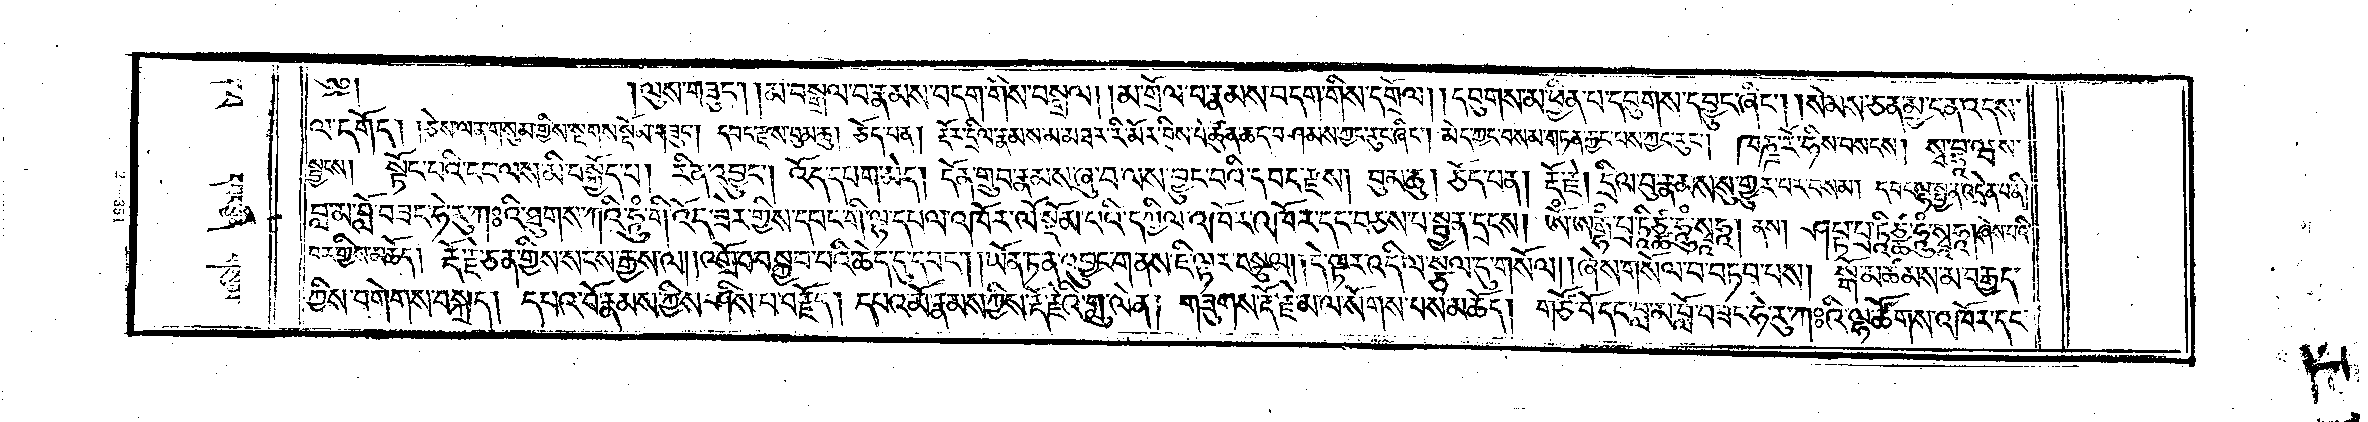༄༅། །ལུས་གཟུང་། །མ་བསྒྲལ་བ་རྣམས་བདག་གིས་བསྒྲལ། །མ་གྲོལ་བ་རྣམས་བདག་གིས་དགྲོལ། །དབུགས་མ་ཕྱིན་པ་དབུགས་དབྱུང་ཞིང་། །སེམས་ཅན་མྱ་ངན་འདས་
ལ་དགོད། །ཅེས་ལན་གསུམ་གྱིས་སྔགས་སྡོམ་གཟུང་། དབང་རྫས་བུམ་ཆུ། ཅོད་པན། རྡོར་དྲིལ་རྣམས་མ་མཐར་རི་མོར་བྲིས་པེ་ཚུན་ཆད་བཤམས་ཀྱང་རུང་ཞིང་། མེད་ཀྱང་བསམ་གཏན་རྐྱང་པས་ཀྱང་རུང་།  ཁཎྜ་རོ་ཧིས་བསངས། སྭ་བྷཱ་ཝ་ས་
སྦྱངས།  སྟོང་པའི་ངང་ལས་མི་བསྐྱོད་པ། རིན་འབྱུང་། འོད་དཔག་མེད། དོན་གྲུབ་རྣམས་ཞུ་བ་ལས་བྱུང་བའི་དབང་རྫས། བུམ་ཆུ། ཅོད་པན། རྡོ་རྗེ། དྲིལ་བུ་རྣམས་སུ་གྱུར་པར་བསམ། དབང་ལྷ་སྤྱན་འདྲེན་པ་ནི།
བླ་མ་བློ་བཟང་ཧེ་རུ་ཀཿའི་ཐུགས་ཀའི་ཧཱུཾ་གི་འོད་ཟེར་གྱིས་དབང་གི་ལྷ་དཔལ་འཁོར་ལོ་སྡོམ་པའི་དཀྱིལ་འཁོར་འཁོར་དང་བཅས་པ་སྤྱན་དྲངས། ཨོཾ་ཨརྒྷཾ་པྲ་ཏཱིཙྪ་ཧཱུཾ་སྭཱཧཱ། ནས།  ཤཔྟ་པྲ་ཏཱིཙྪ་ཧཱུཾ་སྭཱཧཱ་།ཞེས་པའི་
བར་གྱིས་མཆོད། རྡོ་རྗེ་ཅན་གྱིས་སངས་རྒྱས་ལ། །འགྲོ་བ་བསྐྱབ་པའི་ཆེད་དུ་དབང་། །ཡོན་ཏན་འབྱུང་གནས་ཇི་ལྟར་བསྩལ། །དེ་ལྟར་འདི་ལ་སྩལ་དུ་གསོལ། །ཞེས་གསོལ་བ་བཏབ་པས། སྒོ་མཚམས་མ་བརྒྱད་
ཀྱིས་བགེགས་བསྐྲད། དཔའ་བོ་རྣམས་ཀྱིས་ཤིས་པ་བརྗོད། དཔའ་མོ་རྣམས་ཀྱིས་རྡོ་རྗེའི་གླུ་ལེན། གཟུགས་རྡོ་རྗེ་མ་ལ་སོགས་པས་མཆོད། གཙོ་བོ་དང་བླ་མ་བློ་བཟང་ཧེ་རུ་ཀཿའི་ལྷ་ཚོགས་འཁོར་དང་